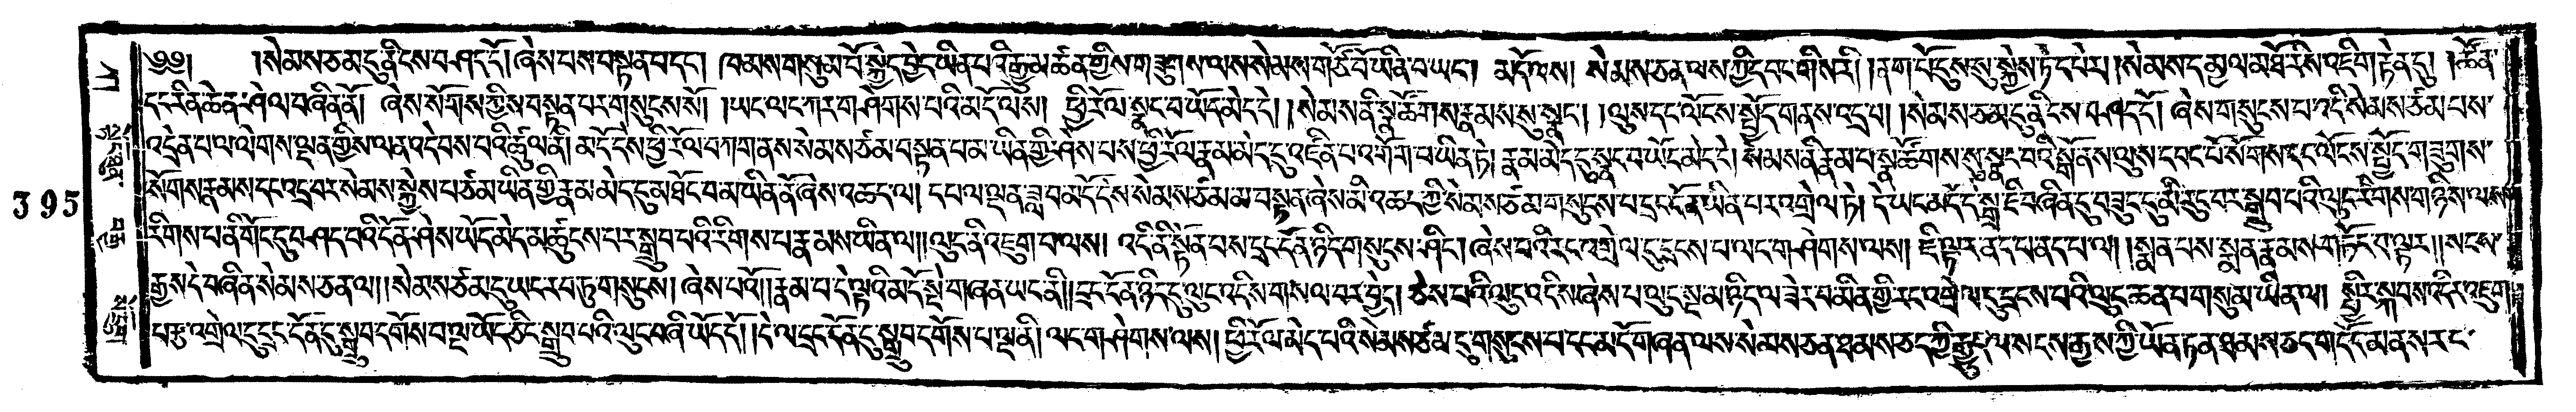༄༅། །སེམས་ཙམ་དུ་ནི་ངས་བཤད་དོ། ཞེས་བས་བསྟན་པ་དང་། ཁམས་གསུམ་པོ་སྐྱེད་བྱེད་ཡིན་པའི་རྒྱུ་མཚན་གྱིས་གཟུགས་ལས་སེམས་གཙོ་བོ་ཡིན་པ་ཡང་། མདོ་ལས། སེམས་ཅན་ལས་ཀྱི་དབང་གིས་རི། །ནག་པོ་དུས་སུ་སྐྱེས་ཏེ་དཔེར། །སེམས་དམྱལ་མཐོ་རིས་འཇིག་རྟེན་དུ། །ཚོན་
དང་རིན་ཆེན་ཤེལ་བཞིན་ནོ། ཞེས་སོགས་ཀྱིས་བསྟན་བར་གསུངས་སོ། །ཡང་ལང་ཀར་གཤེགས་པའི་མདོ་ལས། ཕྱི་རོལ་སྣང་བ་ཡོད་མེད་དེ། །སེམས་ནི་སྣ་ཚོགས་རྣམས་སུ་སྣང་། །ལུས་དང་ལོངས་སྤྱོད་གནས་འདྲ་བ། །སེམས་ཙམ་དུ་ནི་ངས་བཤད་དོ། ཞེས་གསུངས་བ་འདི་སེམས་ཙམ་པས་
འདྲེན་པ་ལ་ལེགས་ལྡན་གྱིས་ལན་འདེབས་བའི་ཚུལ་ནི། མདོ་དེས་ཕྱི་རོལ་བཀག་ནས་སེམས་ཙམ་བསྟན་པ་མ་ཡིན་གྱི་ཤེས་པས་ཕྱི་རོལ་རྣམ་མེད་དུ་འཛིན་པ་འགོག་པ་ཡིན་ཏེ། རྣམ་མེད་དུ་སྣང་བ་ཡོད་མེད་དེ། སེམས་ནི་རྣམ་བ་སྣ་ཚོགས་སུ་སྣང་བའི་སྒོ་ནས་ལུས་དབང་པོ་སོགས་དང་ལོངས་སྤྱོད་གཟུགས་
སོགས་རྣམས་དང་འདྲ་བར་སེམས་སྐྱེས་པ་ཙམ་ཡིན་གྱི་རྣམ་མེད་དུ་མཐོང་བ་མ་ཡིན་ནོ་ཞེས་འཆད་ལ། དཔལ་ལྡན་ཟླ་བ་མདོ་དེས་སེམས་ཙམ་མ་བསྟན་ཞེས་མི་འཆད་ཀྱི་སེམས་ཙམ་གསུངས་པ་དྲང་དོན་ཡིན་པར་འགྲེལ་ཏེ། དེ་ཡང་མདོ་དེ་སྒྲ་ཇི་བཞིན་དུ་བཟུང་དུ་མི་རུང་བར་སྒྲུབ་པའི་ལུང་རིགས་གཉིས་ལས་
རིགས་པ་ནི་གོང་དུ་བཤད་བའི་དོན་ཤེས་ཡོད་མེད་མཚུངས་པར་སྒྲུབ་པའི་རིགས་པ་རྣམས་ཡིན་ལ། །ལུང་ནི་འཇུག་པ་ལས། འདི་ནི་སྟོན་པས་དྲང་དོན་ཉིད་གསུངས་ཤིང་། ཞེས་པའི་རང་འགྲེལ་དུ་དྲངས་པ་ལང་གཤེགས་ལས། ཇི་ལྟར་ནད་པ་ནད་པ་ལ། །སྨན་པས་སྨན་རྣམས་གཏོང་བ་ལྟར། །སངས་
རྒྱས་དེ་བཞིན་སེམས་ཅན་ལ། །སེམས་ཙམ་དུ་ཡང་རབ་ཏུ་གསུངས། ཞེས་པའོ། །རྣམ་པ་དེ་ལྟའི་མདོ་སྡེ་གཞན་ཡང་ནི། །དྲང་དོན་ཉིད་དུ་ལུང་འདིས་གསལ་བར་བྱེད། ཅེས་པའི་ལུང་འདིས་ཞེས་བ་ལུང་སྔ་མ་ཉིད་ལ་ཟེར་བ་མིན་གྱི་རང་འགྲེལ་དུ་དྲངས་པའི་ལུང་ཆན་བ་གསུམ་ཡིན་ལ། སྤྱིར་སྐབས་འདིར་འཇུག་
པ་རྩ་འགྲེལ་དུ་དྲང་དོན་དུ་སྒྲུབ་དགོས་བ་ལྔ་ཡོད་ཅིང་སྒྲུབ་པའི་ལུང་བཞི་ཡོད་དོ། །དེ་ལ་དྲང་དོན་དུ་སྒྲུབ་དགོས་པ་ལྔ་ནི། ལང་གཤེགས་ལས། ཕྱི་རོལ་མེད་པའི་སེམས་ཙམ་དུ་གསུངས་བ་དང་མདོ་གཞན་ལས་སེམས་ཅན་ཐམས་ཅད་ཀྱི་རྒྱུད་ལ་སངས་རྒྱས་ཀྱི་ཡོན་ཏན་ཐམས་ཅད་གདོད་མ་ནས་རང་